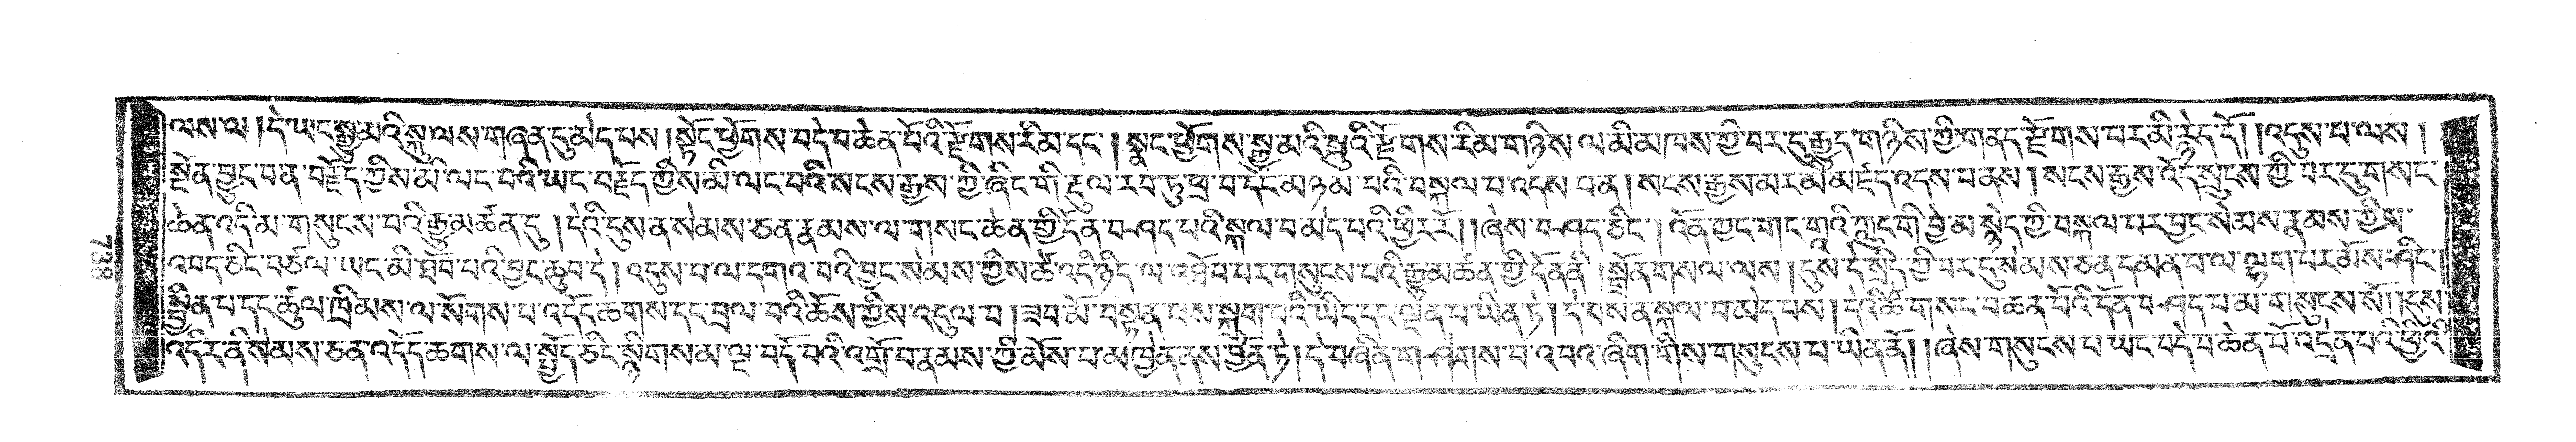ལས་ལ། དེ་ཡང་སྒྱུ་མའི་སྐུ་ལས་གཞན་དུ་མེད་པས། སྟོང་ཕྱོགས་བདེ་བ་ཆེན་པོའི་རྫོགས་རིམ་དང་། སྣང་ཕྱོགས་སྒྱུ་མའི་སྐུའི་རྫོགས་རིམ་གཉིས་ལ་མི་མཁས་ཀྱི་བར་དུ་རྒྱུད་གཉིས་ཀྱི་གནད་རྫོགས་པར་མི་རྙེད་དོ། །འདུས་པ་ལས།
སྔོན་བྱུང་བ་ན་བརྗོད་ཀྱིས་མི་ལང་བའི་ཡང་བརྗོད་ཀྱིས་མི་ལང་བའི་སངས་རྒྱས་ཀྱི་ཞིང་གི་རྡུལ་རབ་ཏུ་ཕྲ་བ་དང་མཉམ་པའི་བསྐལ་པ་འདས་པ་ན། སངས་རྒྱས་མར་མེ་མཛད་འདས་པ་ནས། སངས་རྒྱས་འོད་སྲུངས་ཀྱི་བར་དུ་གསང་
ཆེན་འདི་མ་གསུངས་པའི་རྒྱུ་མཚན་དུ། དེའི་དུས་ན་སེམས་ཅན་རྣམས་ལ་གསང་ཆེན་གྱི་དོན་བཤད་པའི་སྐལ་བ་མེད་པའི་ཕྱིར་རོ། །ཞེས་བཤད་ཅིང་། འོན་ཀྱང་གང་གཱའི་ཀླུང་གི་བྱེ་མ་སྙེད་ཀྱི་བསྐལ་པར་བྱང་སེམས་རྣམས་ཀྱིས་
འབད་ཅིང་བཙལ་ཡང་མི་ཐོབ་པའི་བྱང་ཆུབ་དེ། འདུས་པ་ལ་དགའ་བའི་བྱང་སེམས་ཀྱིས་ཚེ་འདི་ཉིད་ལ་འཐོབ་པར་གསུངས་པའི་རྒྱུ་མཚན་གྱི་དོན་ནི། སྒྲོན་གསལ་ལས། དུས་དེ་སྲིད་ཀྱི་བར་དུ་སེམས་ཅན་དམན་པ་ལ་ལྷག་པར་མོས་ཤིང་།
སྦྱིན་པ་དང་ཚུལ་ཁྲིམས་ལ་སོགས་པ་འདོད་ཆགས་དང་བྲལ་བའི་ཆོས་ཀྱིས་འདུལ་བ། ཟབ་མོ་བསྟན་པས་སྐྲག་པའི་ཡིད་དང་ལྡན་པ་ཡིན་ཏེ། དེ་བས་ན་སྐལ་བ་མེད་པས། དེའི་ཚེ་གསང་བ་ཆེན་པོའི་དོན་བཤད་པ་མ་གསུངས་སོ། །དུས་
འདིར་ནི་སེམས་ཅན་འདོད་ཆགས་ལ་སྤྱོད་ཅིང་སྙིགས་མ་ལྔ་བདོ་བའི་འགྲོ་བ་རྣམས་ཀྱི་མོས་པ་མཁྱེན་ནས་བྱོན་ཏེ། དེ་བཞིན་གཤེགས་པ་འབའ་ཞིག་གིས་གསུངས་པ་ཡིན་ནོ། །ཞེས་གསུངས་པ་ཡང་བདེ་བ་ཆེན་པོ་འདྲེན་པའི་ཕྱིའི་